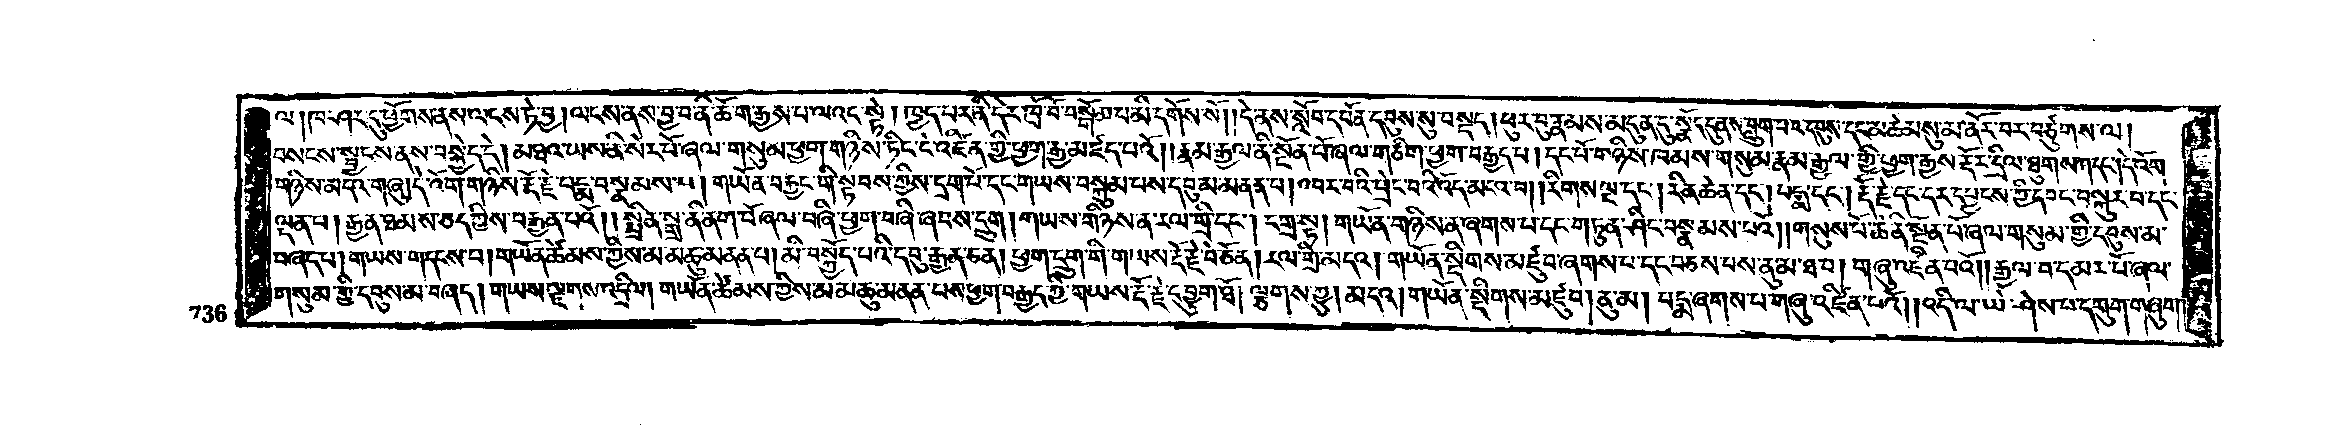ལ། ཁ་ཤར་དུ་ཕྱོགས་ན་ལངས་ཏེ་བྱ། ལངས་ནས་བྱ་བ་ནི་ཆོ་ག་རྒྱས་པ་ལའང་སྟེ། ཁྱད་པར་ནི་དེར་ཁྲོ་བོ་བསྒོམ་པ་མི་དགོས་སོ། །དེ་ནས་སློབ་དཔོན་དབུས་སུ་བསྡད། ཕུར་བུ་རྣམས་མདུན་དུ་སྣོད་དུ་ནས་བླུག་པའི་དབུས་དང་མཚམས་སུ་མ་ནོར་བར་བཙུགས་ལ།
བསངས་སྦྱངས་ནས་བསྐྱེད་དེ། མཐའ་ཡས་ནི་སེར་པོ་ཞལ་གསུམ་ཕྱག་གཉིས་ཏིང་ངེ་འཛིན་གྱི་ཕྱག་རྒྱ་མཛད་པའོ། །རྣམ་རྒྱལ་ནི་སྔོན་པོ་ཞལ་གཅིག་ཕྱག་བརྒྱད་པ། དང་པོ་གཉིས་ཁམས་གསུམ་རྣམ་རྒྱལ་གྱི་ཕྱག་རྒྱས་རྡོར་དྲིལ་ཐུགས་ཀ་དང་། དེ་འོག་
གཉིས་མདའ་གཞུ། དེ་འོག་གཉིས་རྡོ་རྗེ་པདམ་བསྣམས་པ། གཡོན་བརྐྱང་གི་སྟབས་ཀྱིས་དྲག་པོ་དང་གཡས་བསྐུམ་པས་དབུ་མ་མནན་པ། འབར་བའི་ཕྲེང་བའི་འོད་མངའ་བ། །རིགས་ལྔ་དང་། རིན་ཆེན་དང་། པདམ་དང་། རྡོ་རྗེ་དང་དར་དཔྱངས་ཀྱི་དབང་བསྐུར་བ་དང་
ལྡན་པ། རྒྱན་ཐམས་ཅད་ཀྱིས་བརྒྱན་པའོ། །སྤྲིན་སྒྲ་ནི་ནག་པོ་ཞལ་བཞི་ཕྱག་བཞི་ཞབས་དྲུག །གཡས་གཉིས་ན་རལ་གྲི་དང་། དགྲ་སྟ། གཡོན་གཉིས་ན་ཞགས་པ་དང་གཏུན་ཤིང་བསྣམས་པའོ། །གསུས་པོ་ཆེ་ནི་སྔོན་པོ་ཞལ་གསུམ་གྱི་དབུས་མ་
བཞད་པ། གཡས་གདངས་པ། གཡོན་ཚེམས་ཀྱིས་མ་མཆུ་མནན་པ། མི་བསྐྱོད་པའི་དབུ་རྒྱན་ཅན། ཕྱག་དྲུག་གི་གཡས་རྡོ་རྗེ་བེ་ཅོན། རལ་གྲི་མདའ། གཡོན་སྡིགས་མཛུབ་ཞགས་པ་དང་བཅས་པས་ནུ་མ་ཐ་བ། གཞུ་འཛིན་པའོ། །རྒྱལ་བ་དམར་པོ་ཞལ་
གསུམ་གྱི་དབུས་མ་བཞད། གཡས་ལྗགས་འདྲིལ། གཡོན་ཚེམས་ཀྱིས་མ་མཆུ་མནན་པས་ཕྱག་བརྒྱད་ཀྱི་གཡས་རྡོ་རྗེ་དབྱུག་ཐོ། ལྕགས་ཀྱུ། མདའ། གཡོན་སྡིགས་མཛུབ། ནུ་མ། པདམ་ཞགས་པ་གཞུ་འཛིན་པའོ། །འདི་ལ་ཡེ་ཤེས་པ་དགུག་གཞུག །